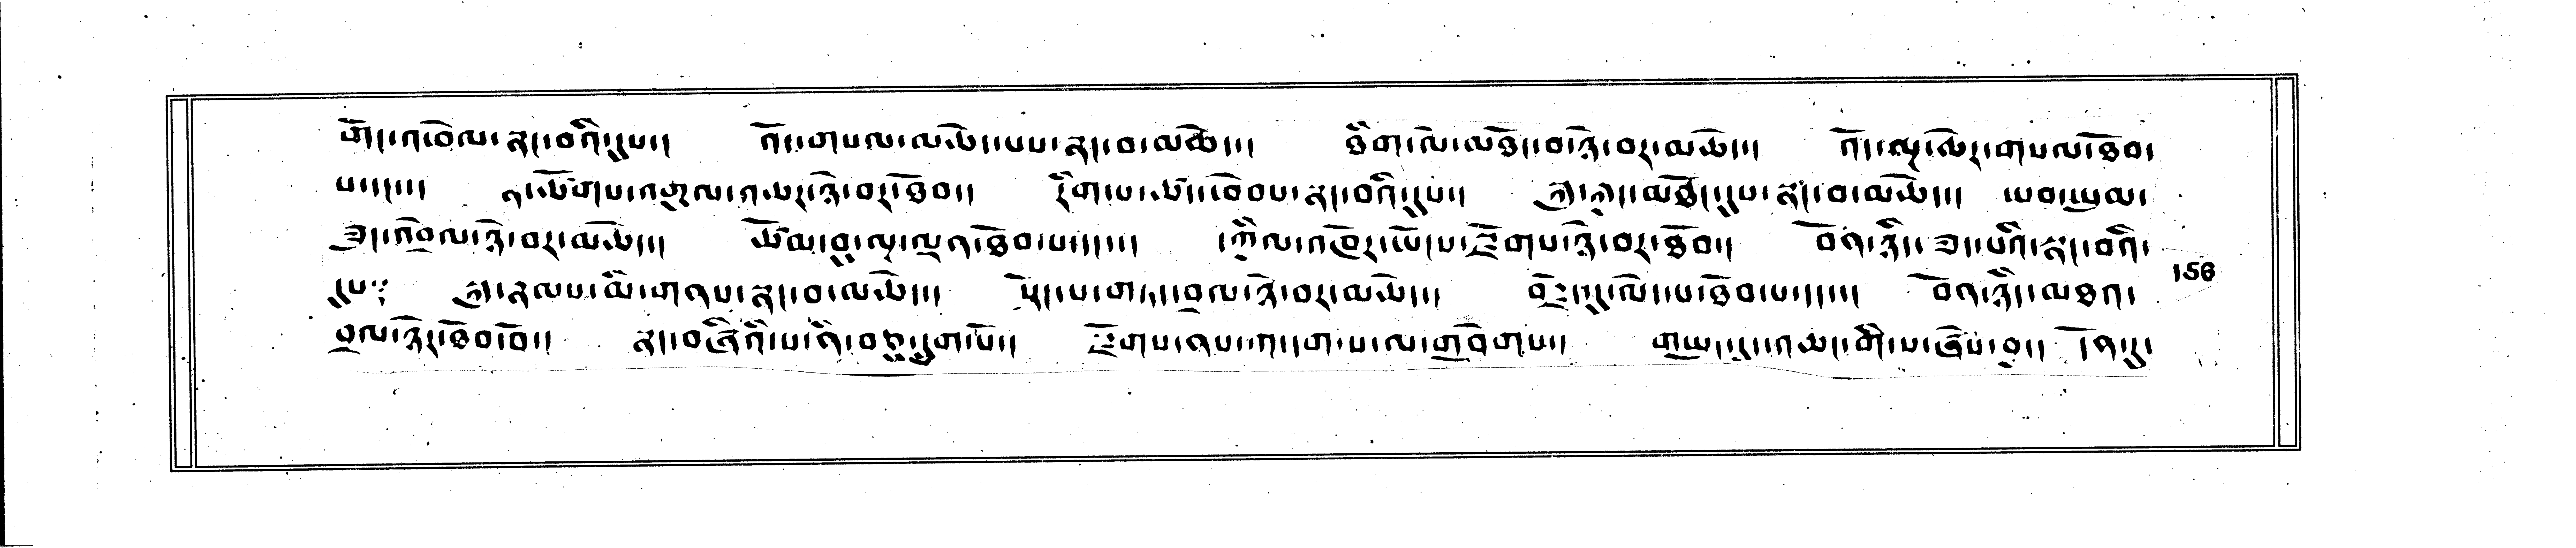གོང་འཕེལ་སྣང་བའི་དུས། །འོད་གསལ་མཆེད་པས་སྣང་བ་མཆེད། །ཐིག་ལེ་མཐོིང་བ་ཉེ་བར་མཆེད། །འོད་ལྔ་ཆེར་གསལ་ཐོབ་
པ་དང་། །སྣ་ཚོགས་འགུལ་འཆར་ཉེ་བར་ཐོབ། །རིག་པ་ཚད་ཕེབས་སྣང་བའི་དུས། །སྐུ་རྐྱང་མཐོང་དུས་སྣང་བ་མཆེད། །ཡབ་ཡུམ་
ཟུང་འབྲེལ་ཉེ་བར་མཆེད། །ཚོམ་བུ་ལྔ་ལྡན་ཐོབ་པ་དང་། །དཀྱིལ་འཁོར་ཡོངས་རྫོགས་ཉེར་བར་ཐོབ། །བོན་ཉིད་ཟད་པའི་སྣང་བའི་
དུས། །སྐུ་རྣམས་མི་གནས་སྣང་བ་མཆེད། །སྟོང་པ་གཏད་བྲལ་ཉེ་བར་མཆེད། །བརྗོད་དུ་མེད་པ་ཐོབ་པ་དང་། །བོན་ཉིད་མཐའ་
བྲལ་ཉེར་ཐོབ་བོ། །སྣང་བཞིའི་ས་ནི་བཅུ་དྲུག་པོ། །རྫོགས་ནས་ཀ་དག་ས་ལ་གཤེགས། །གཡུང་དྲུང་འཆང་གི་ས་ཞེས་བྱ། །དོན་དུ་